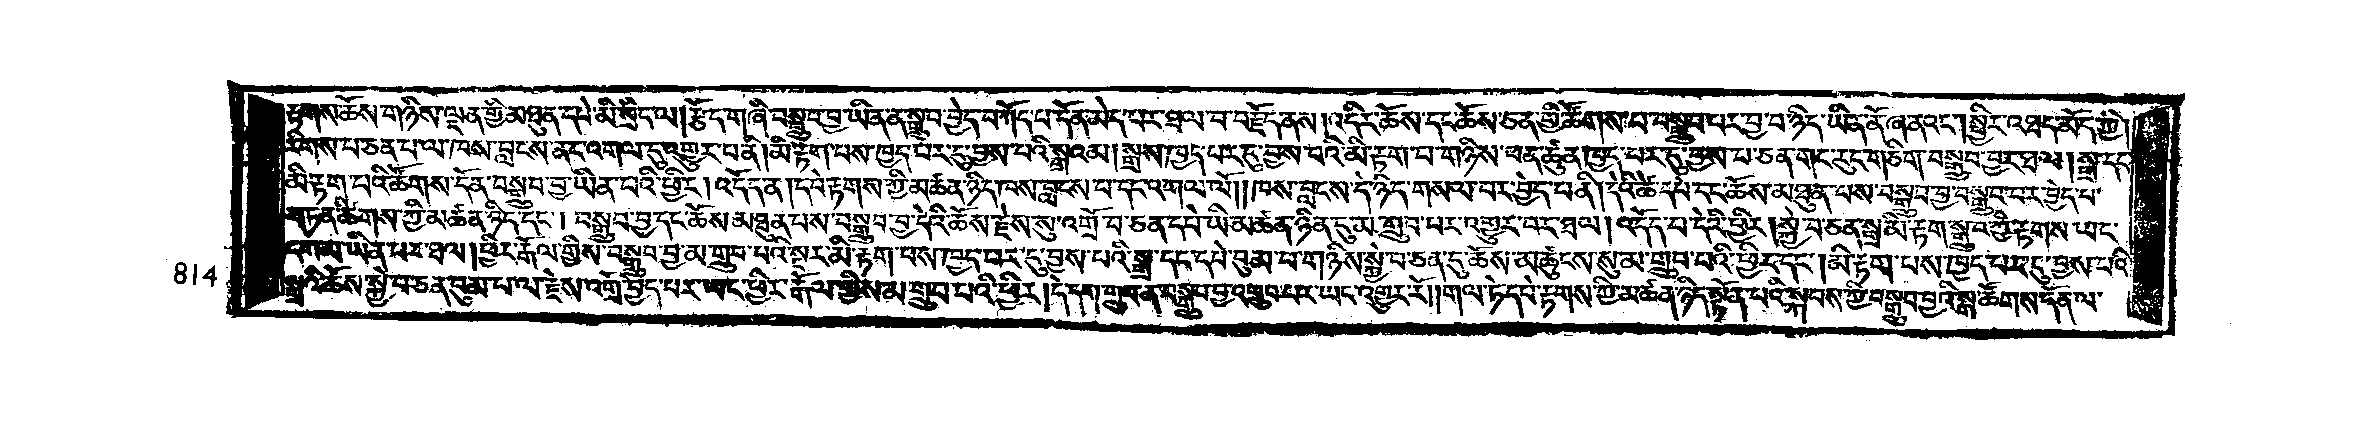རྟགས་ཆོས་གཉིས་ལྡན་གྱི་མཐུན་དཔེ་མི་སྲིད་ལ། རྩོད་གཞི་བསྒྲུབ་བྱ་ཡིན་ན་སྒྲུབ་བྱེད་བཀོད་པ་དོན་མེད་པར་ཐལ་བ་བརྗོད་ནས། འདིར་ཆོས་དང་ཆོས་ཅན་གྱི་ཚོགས་པ་བསྒྲུབ་པར་བྱ་བ་ཉིད་ཡིན་ནོ་ཞེ་ནའང་། སྤྱིར་འཐད་མོད་ཀྱི།
རིགས་པ་ཅན་པ་ལ་ཁས་བླངས་ནང་འགལ་དུ་འགྱུར་བ་ནི། མི་རྟག་པས་ཁྱད་པར་དུ་བྱས་པའི་སྒྲའམ། སྒྲས་ཁྱད་པར་དུ་བྱས་པའི་མི་རྟག་པ་གཉིས་ཕན་ཚུན་ཁྱད་པར་དུ་བྱས་པ་ཅན་གང་རུང་གཅིག་བསྒྲུབ་བྱར་ཐལ། སྒྲ་དང་
མི་རྟག་པའི་ཚོགས་དོན་བསྒྲུབ་བྱ་ཡིན་པའི་ཕྱིར། འདོད་ན། དཔེ་རྟགས་ཀྱི་མཚན་ཉིད་ཁས་བླངས་པ་དང་འགལ་ལོ། །ཁས་བླངས་དེ་ཉིད་གསལ་བར་བྱེད་པ་ནི། དེའི་ཚེ་དཔེ་དང་ཆོས་མཐུན་པས་བསྒྲུབ་བྱ་བསྒྲུབ་པར་བྱེད་པ་
གཏན་ཚིགས་ཀྱི་མཚན་ཉིད་དང་། བསྒྲུབ་བྱ་དང་ཆོས་མཐུན་པས་བསྒྲུབ་བྱ་དེའི་ཆོས་རྗེས་སུ་འགྲོ་བ་ཅན་དཔེ་ཡི་མཚན་ཉིད་དུ་མ་གྲུབ་པར་འགྱུར་བར་ཐལ། འདོད་པ་དེའི་ཕྱིར། སྐྱེ་བ་ཅན་སྒྲ་མི་རྟག་སྒྲུབ་ཀྱི་རྟགས་ཡང་
དག་མ་ཡིན་པར་ཐལ། ཕྱིར་རྒོལ་གྱིས་བསྒྲུབ་བྱ་མ་གྲུབ་པའི་སྔར་མི་རྟག་པས་ཁྱད་པར་དུ་བྱས་པའི་སྒྲ་དང་དཔེ་བུམ་པ་གཉིས་སྐྱེ་བ་ཅན་དུ་ཆོས་མཚུངས་སུ་མ་གྲུབ་པའི་ཕྱིར་དང་། མི་རྟག་པས་ཁྱད་པར་དུ་བྱས་པའི་
སྒྲའི་ཆོས་སྐྱེ་བ་ཅན་བུམ་པ་ལ་རྗེས་འགྲོ་བྱེད་པར་ཡང་ཕྱིར་རྒོལ་གྱིས་མ་གྲུབ་པའི་ཕྱིར། དེ་དག་གྲུབ་ན་བསྒྲུབ་བྱ་འགྲུབ་པར་ཡང་འགྱུར་རོ། །གལ་ཏེ་དཔེ་རྟགས་ཀྱི་མཚན་ཉིད་སྟོན་པའི་སྐབས་ཀྱི་བསྒྲུབ་བྱའི་སྒྲ་ཚོགས་དོན་ལ་